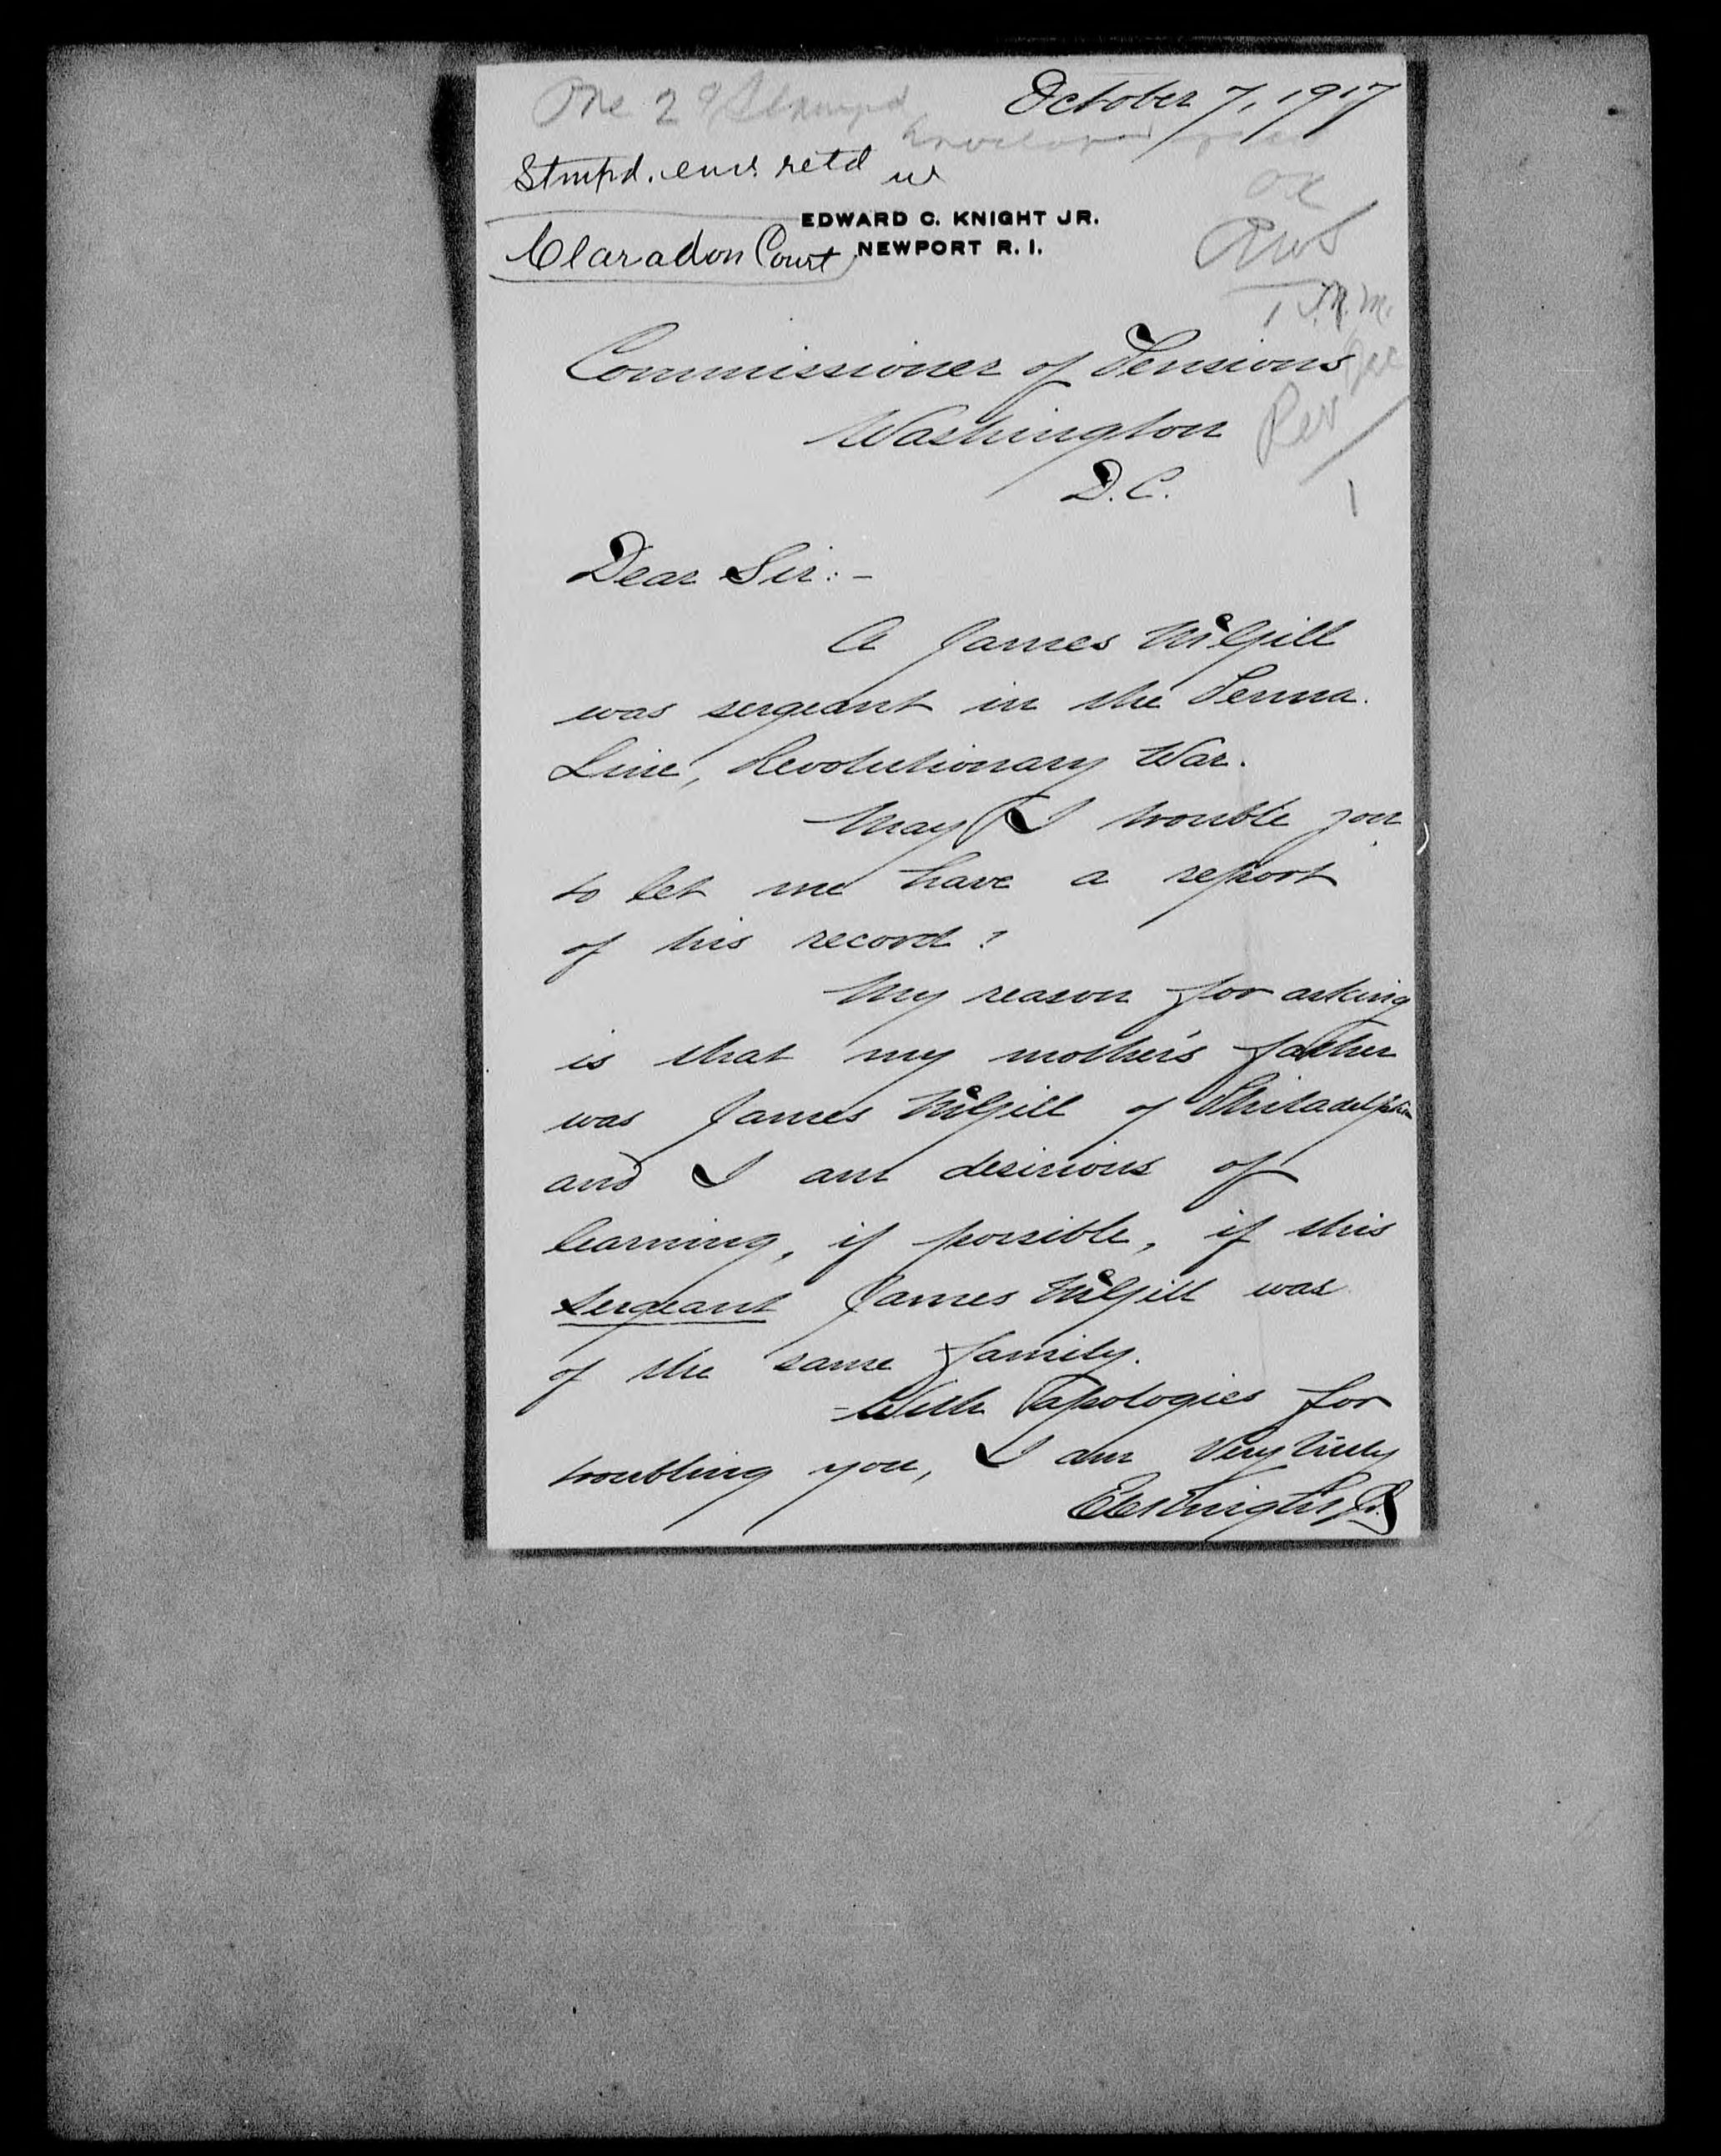Image 109      4160873_00109 
Fold3 File #23857275
[Letter of Inquiry]
Oct 7, 1917
[Administrative note] Stmpd.  encl retd

[Printed] Edward C. Knight Jr. / Newport R. I.
[Handwritten] Claradon Court
Commissioner  of Pensions  Washington D. C.
Dear Sir: -
A James McGill was sergeant in the Penna. Line, Revolutionary War. 
May I trouble you to let me have a report of his record?
My reason for asking is that my mother's father was James McGill of Philadelphia and I am desirious [desirous] of learning, if possible if this Sergeant James McGill was of the same family. 
With apologies for troubling you, I am very [illegible], EWKnight, Jr.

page: 51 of 71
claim: widow's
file: W. 8428, for James Mc Gill, Pennsylvania